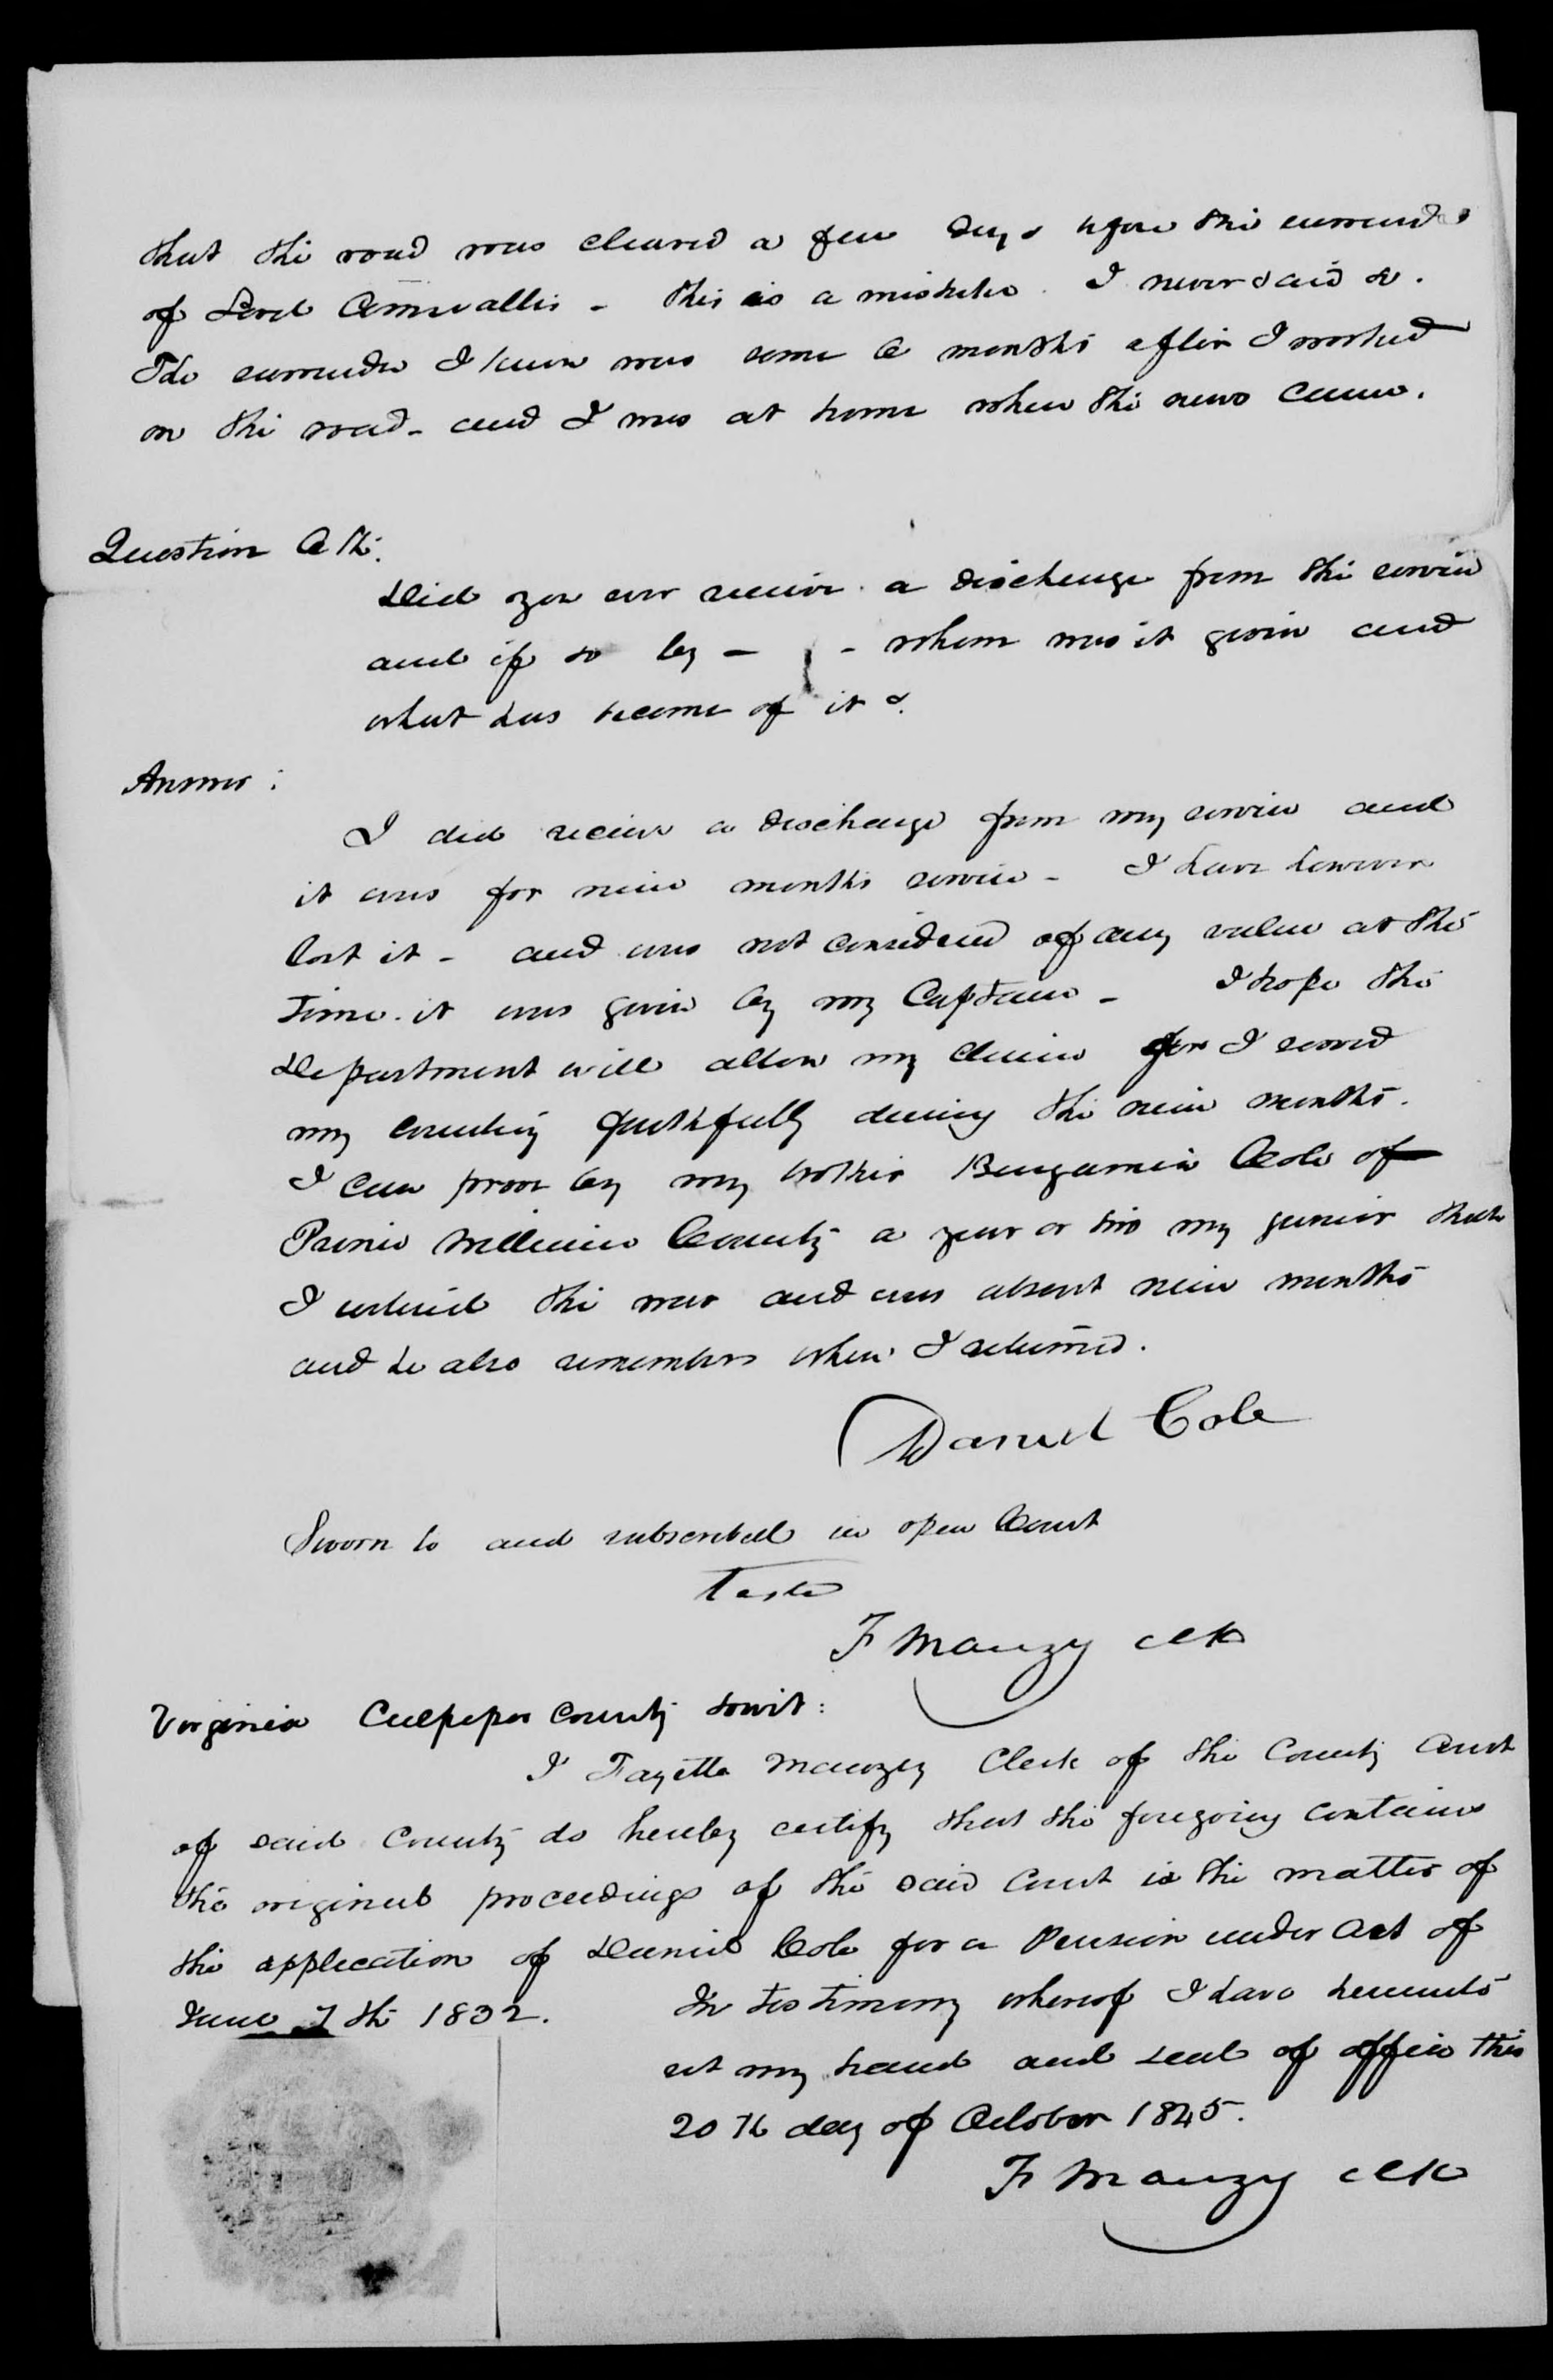that the road was cleared a few days before this current of Lord Cornwallis. This is a mistake. I never said so.
The surrender I knew was some 8 months after I worked on the road and I was at home when the new cause.
Question 6th:
Did you ever receive a discharge from this service and if so by whom was it given and
what has become of it
Answer: I did receive a discharge from my service and it was for nine months service-
I have however lost it, and was not considered of any value at the time it was given by my Captain I hope the Department will allow my claim for I served my country faithfully during the nine months.
I can prove by my brother Benjamin Cole of
Prince William County a year or so my Junior [illegible] I entered the war and was about nine months and he also remember when I returned
Daniel Cole
Sworn to and subscribed in open Court
teste
F Mauzy Clk [clerk]
Virginia Culpeper County Towit:
I Fayette Mauzy Clerk of the County Court
of said County do hereby certify that the foregoing contains the original proceedings of the said Court in the matter of this application of Daniel Cole for a pension under act of
June 7th 1832.
In testimony whereof I have hereunto
set my hand and seal of office this
20th day of October 1845
F Mauzy clk [clerk]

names: F Mauzy, F Mauzy, Daniel Cole, Daniel Cole, Fayette Mauzy, Cornwallis, Benjamin Cole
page: 20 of 61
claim: survivor's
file: S. 8236, Daniel Cole, Va.